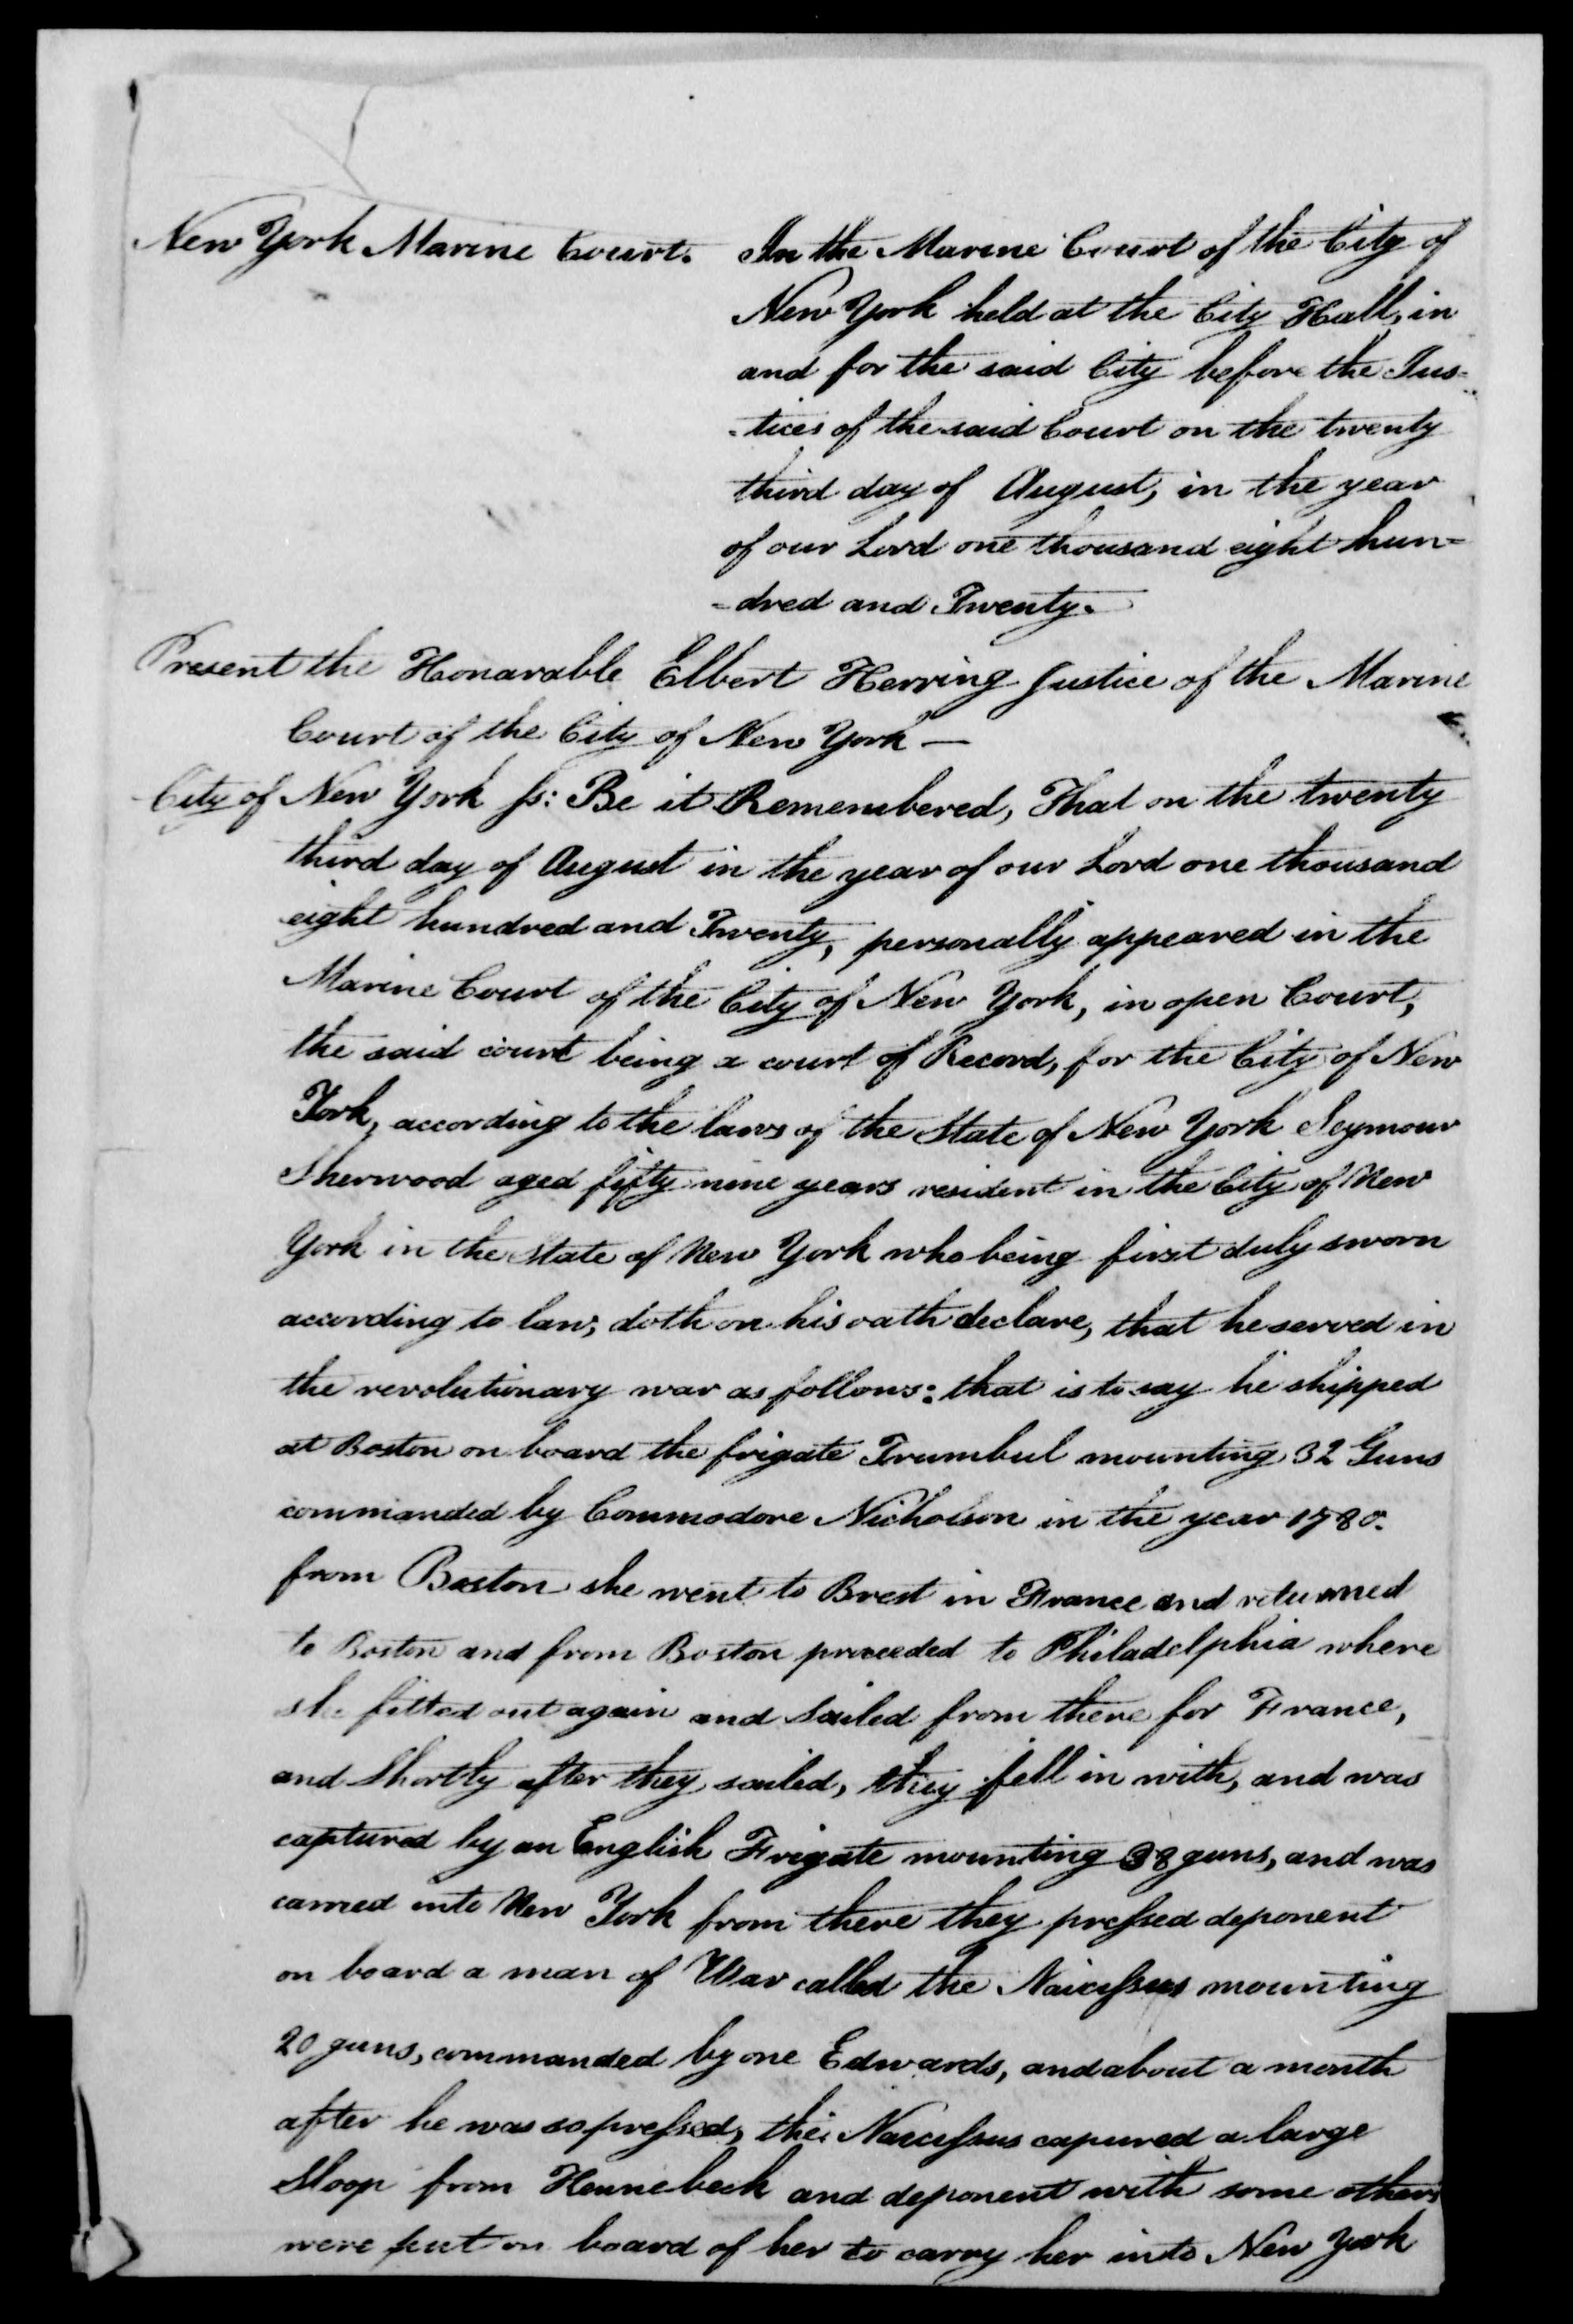New York Marine Courts

In the Marine Court of the City of New York held at the City Hall, in and for the said City before the Justices of the said Court on the twenty third day of August, in the year of our Lord one thousand eight hundred and twenty.

Present the Honorable Elbert Herring Justice of the Marine Court of the City of New York

City of New York ss.  Be it Remembered, That on the twenty third day of August in the year of our Lord one thousand eight hundred and Twenty, personally appeared in the Marine Court of the City of New York, in open Court, the said court being a court of Record, for the City of New York, according to the laws of the State of New York Seymour Sherwood aged fifty nine years resident in the City of New York in the State of New York who being first duly sworn according to law; doth on his oath declare, that he served in the revolutionary war as follows:  that is to say he shipped at Boston on board the frigate Trumbull mounting 32 Guns commanded by Commodore Nicholson in the year 1780.
from Boston she went to Brest in France and returned to Boston and from Boston proceeded to Philadelphia where she fitted out again and sailed from there for France, and shortly after they sailed, they fell in with and was captured by an English Frigate mounting 38 guns, and was carried into New York from there the pressed deponent on board a man of War called the Narcissus mounting 20 guns, commanded by one Edwards, and about a month after he was so pressed, this Narcissus captured a large sloop from Kennebunk and deponent with some others were put on board of her to carry her into New York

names: Commodore Nicholson; [BLANK] France; Elbert Herring; Seymour Sherwood; [BLANK] Shortly; [BLANK] Edwards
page: 4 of 30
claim: survivor's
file: S. 42289, for Seymore Sherwood, Connecticut